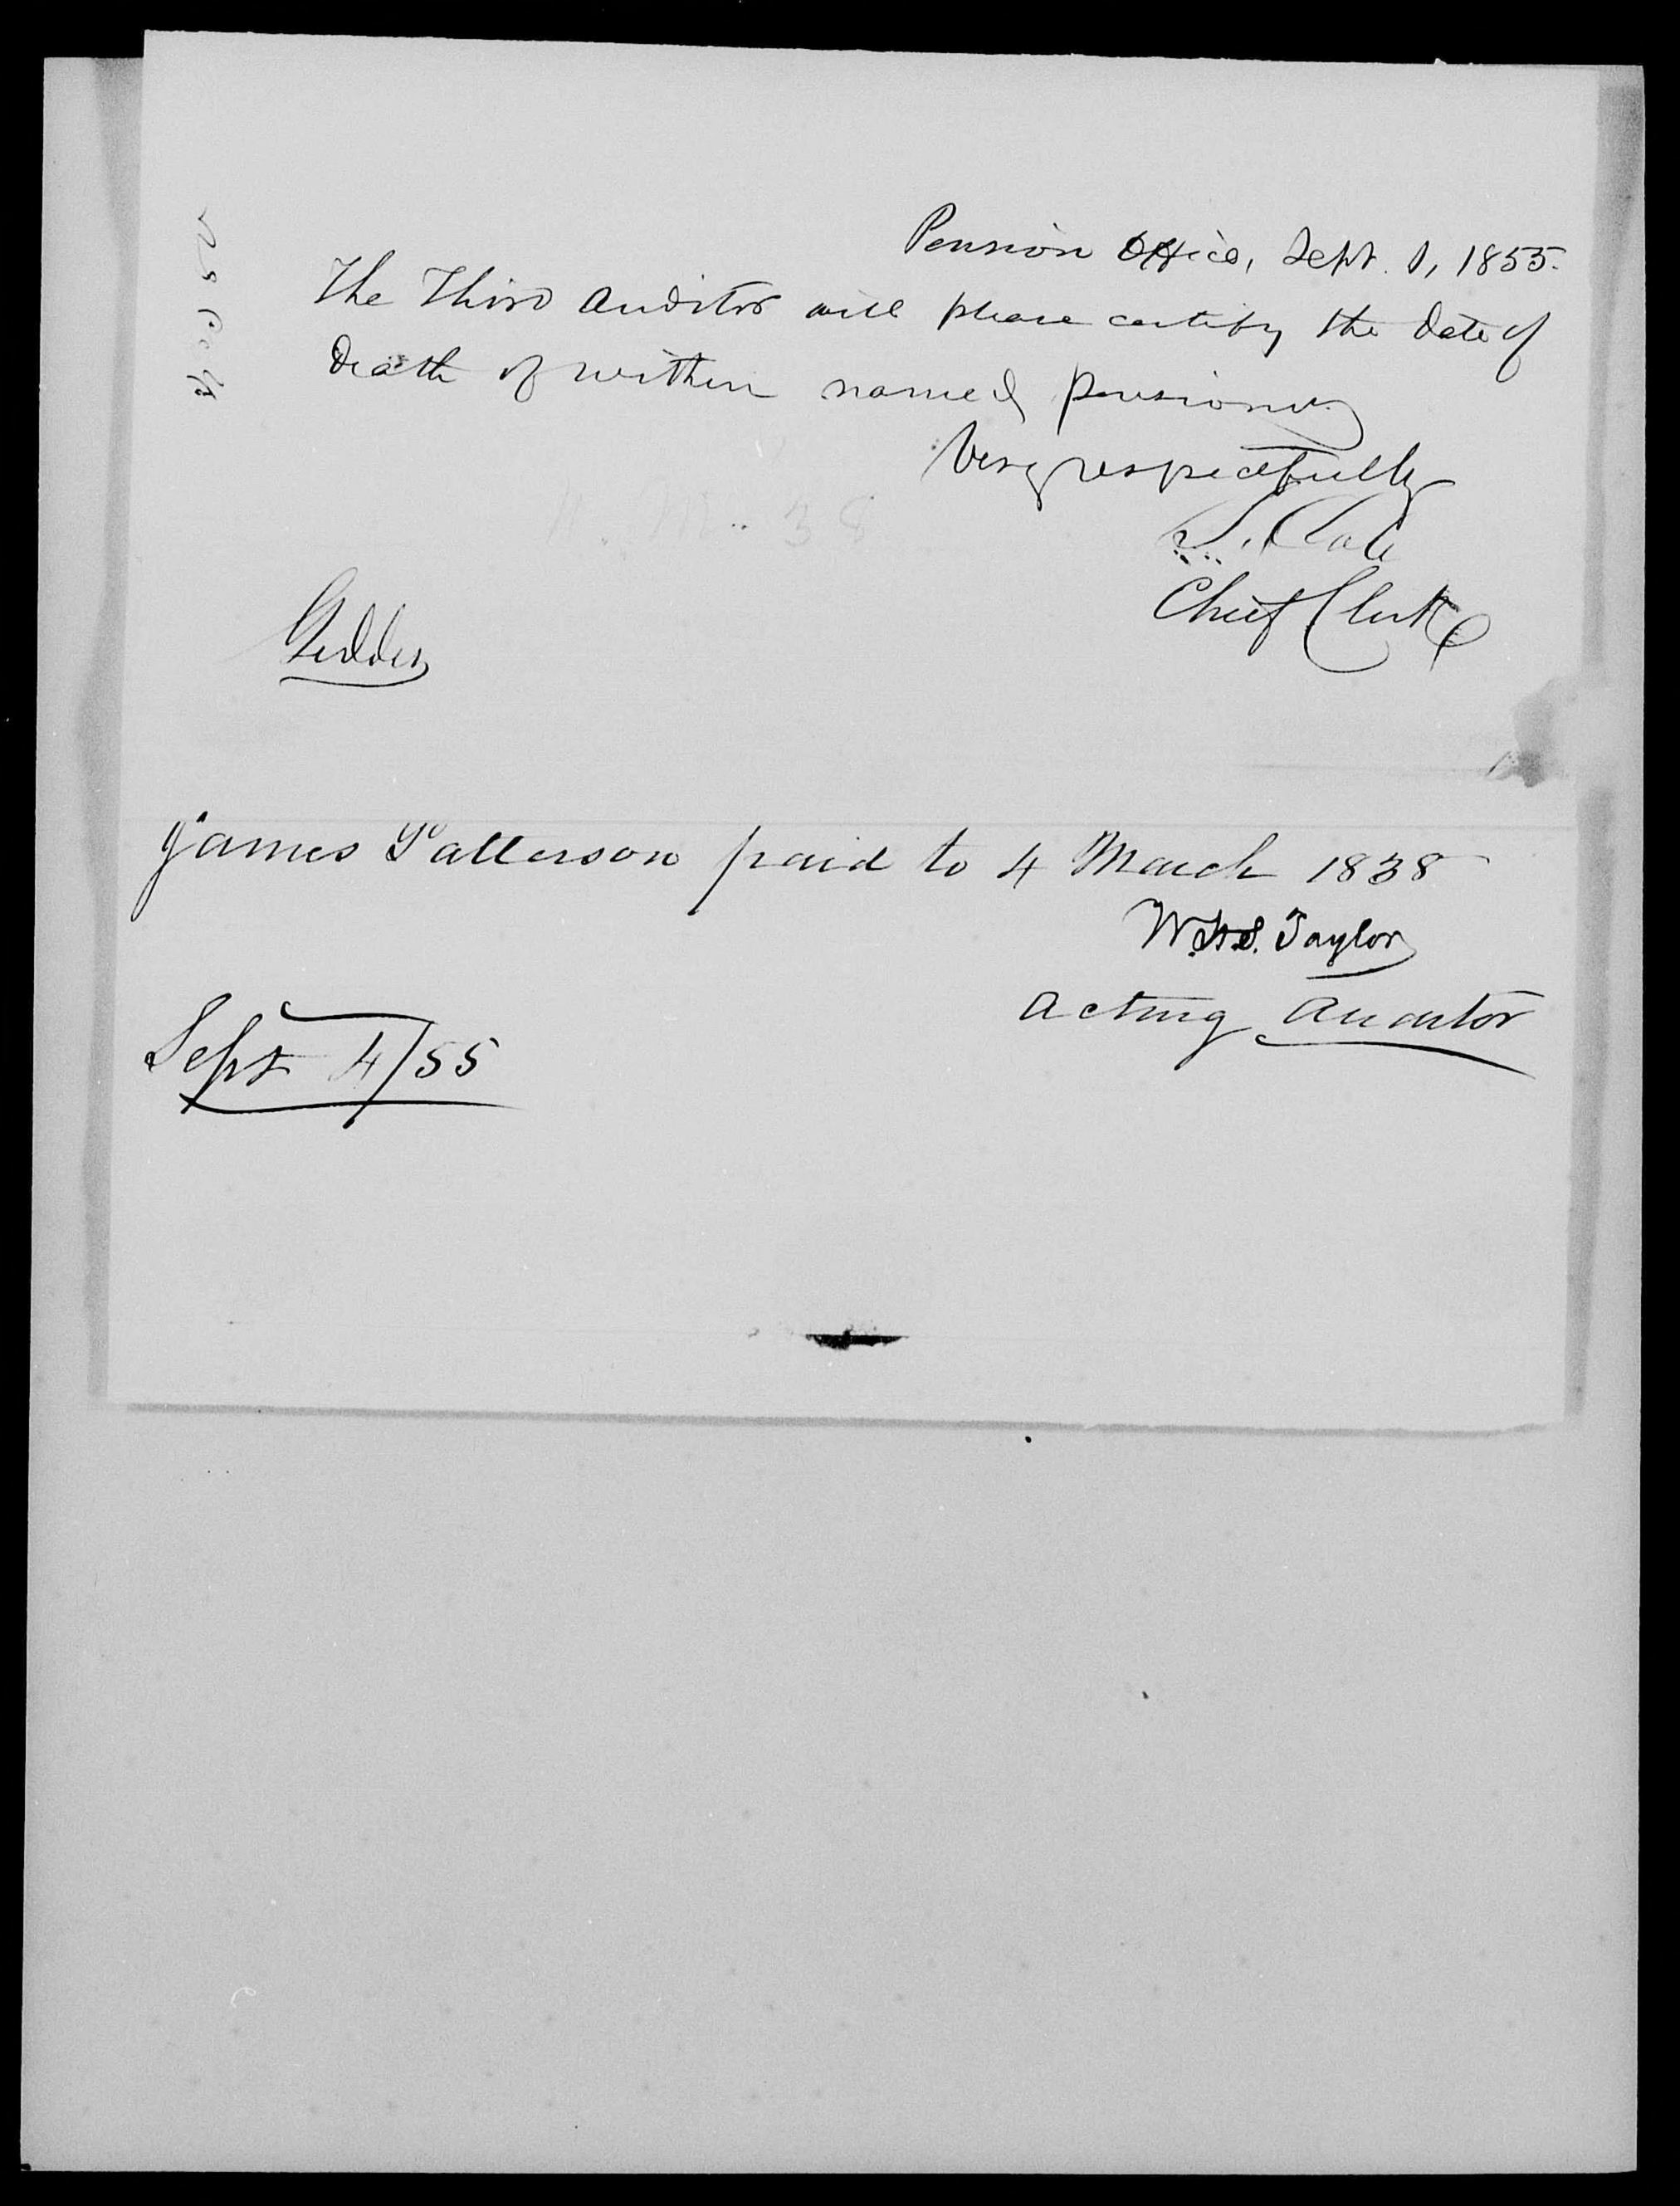Pension Office, Sept. 1, 1855.
The third auditor will please certify the date of death of [illegible within] named pensioner 
Very respectfully 
[illegible S. Cole]
Chief Clerk

[illegible Gerlder]

James Patterson paid to 4 March 1838
W.H.S. Taylor
acting Auditor
Sept 4/55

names: W H S Taylor; S Cole; James Patterson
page: 45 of 69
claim: widow's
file: W. 10861, for James Patterson, North Carolina